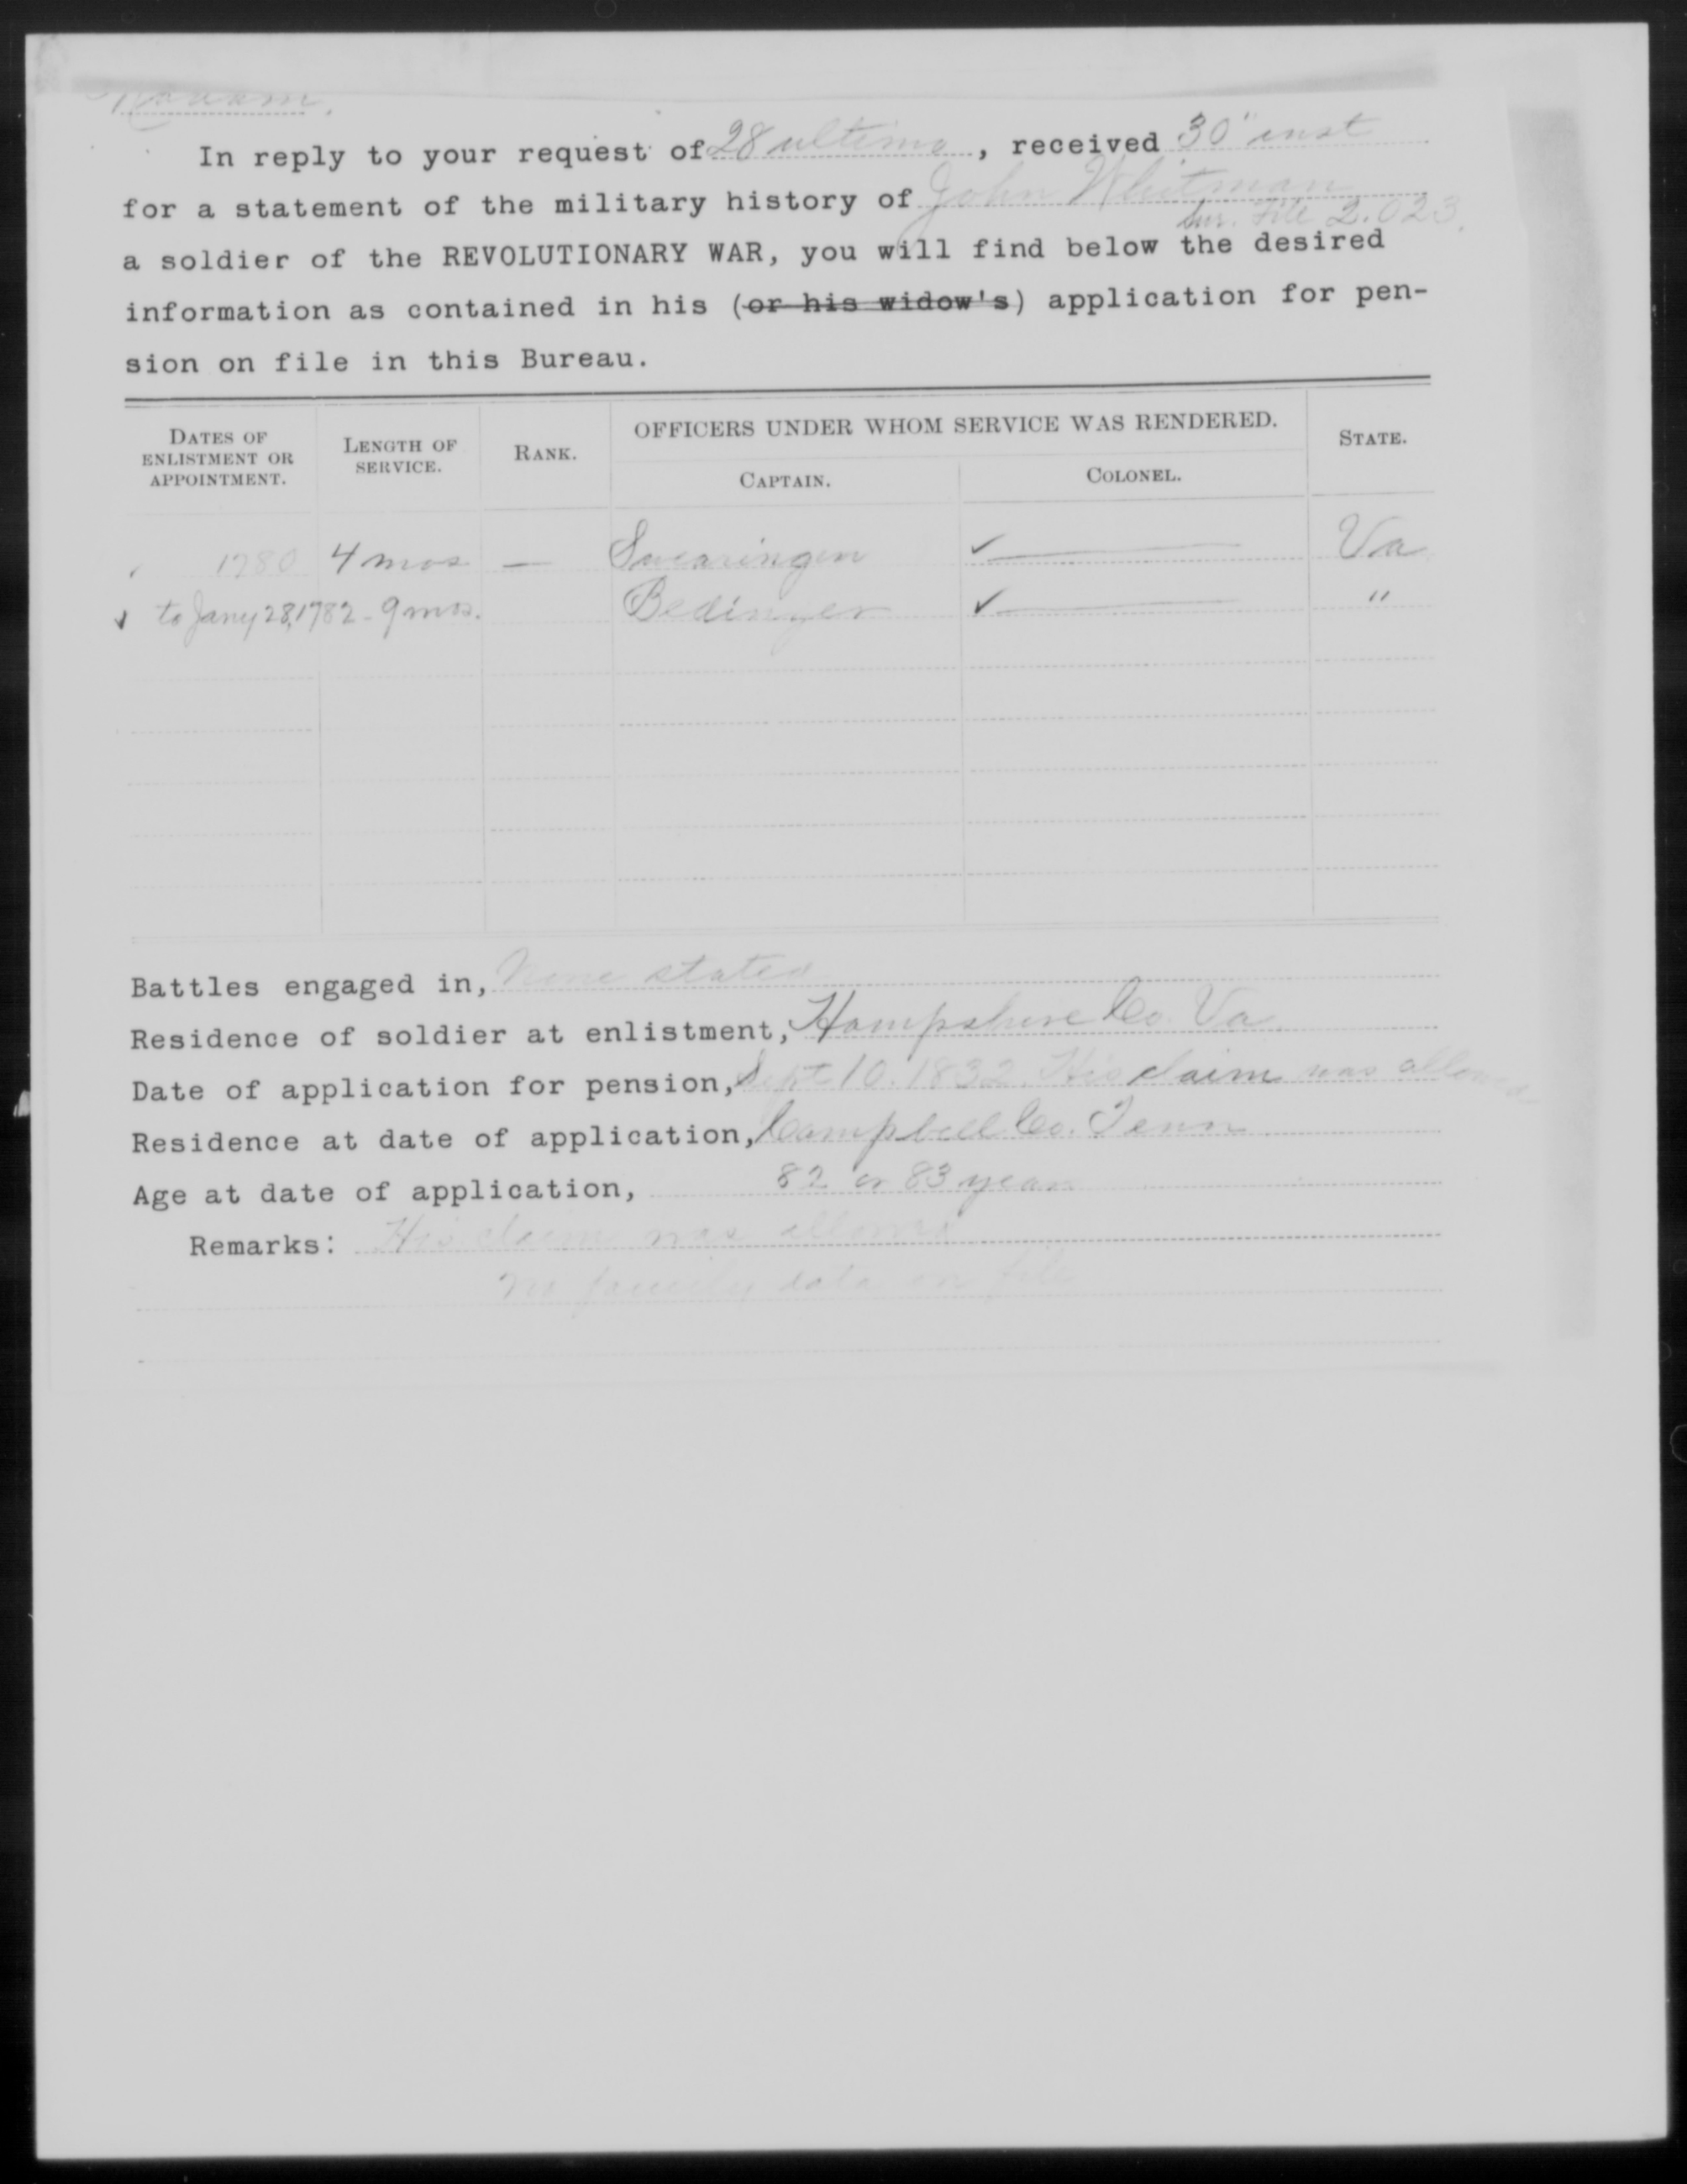In reply to your request of 28 ultimo, received 30' int
for a statement of the military history of John Whitman
a soldier of the REVOLUTIONARY WAR, you will find below the desired
information as contained in his [crossed out: (or his widow's)] application for pension
on file in this Bureau.
DATES OF ENLISTMENT OR APPOINTMENT | LENGTH OF SERVICE.
1780 ┃4 mos
to Jany 28 1782- 9 mos
RANK. ____
OFFICERS UNDER WHOM SERVICE WAS RENDERED.
CAPTAIN.
Swearingen
Bedinger
COLONEL. ____
STATE. 
Va
..

Battles engaged in, none stated
Residence of soldier at enlistment, Hampshire Co. Va.
Date of application for pension, Sept. 10 1832 claim was allowed
Residence at date of application, Campbell Co. Tenn.
Age at date of application, 82 or 83 years
Remarks: The claim was allowed
No family data on file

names: Bedinger, John Whitman, Swearingen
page: 14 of 22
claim: survivor's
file: S 2023, John Whitman, Va.